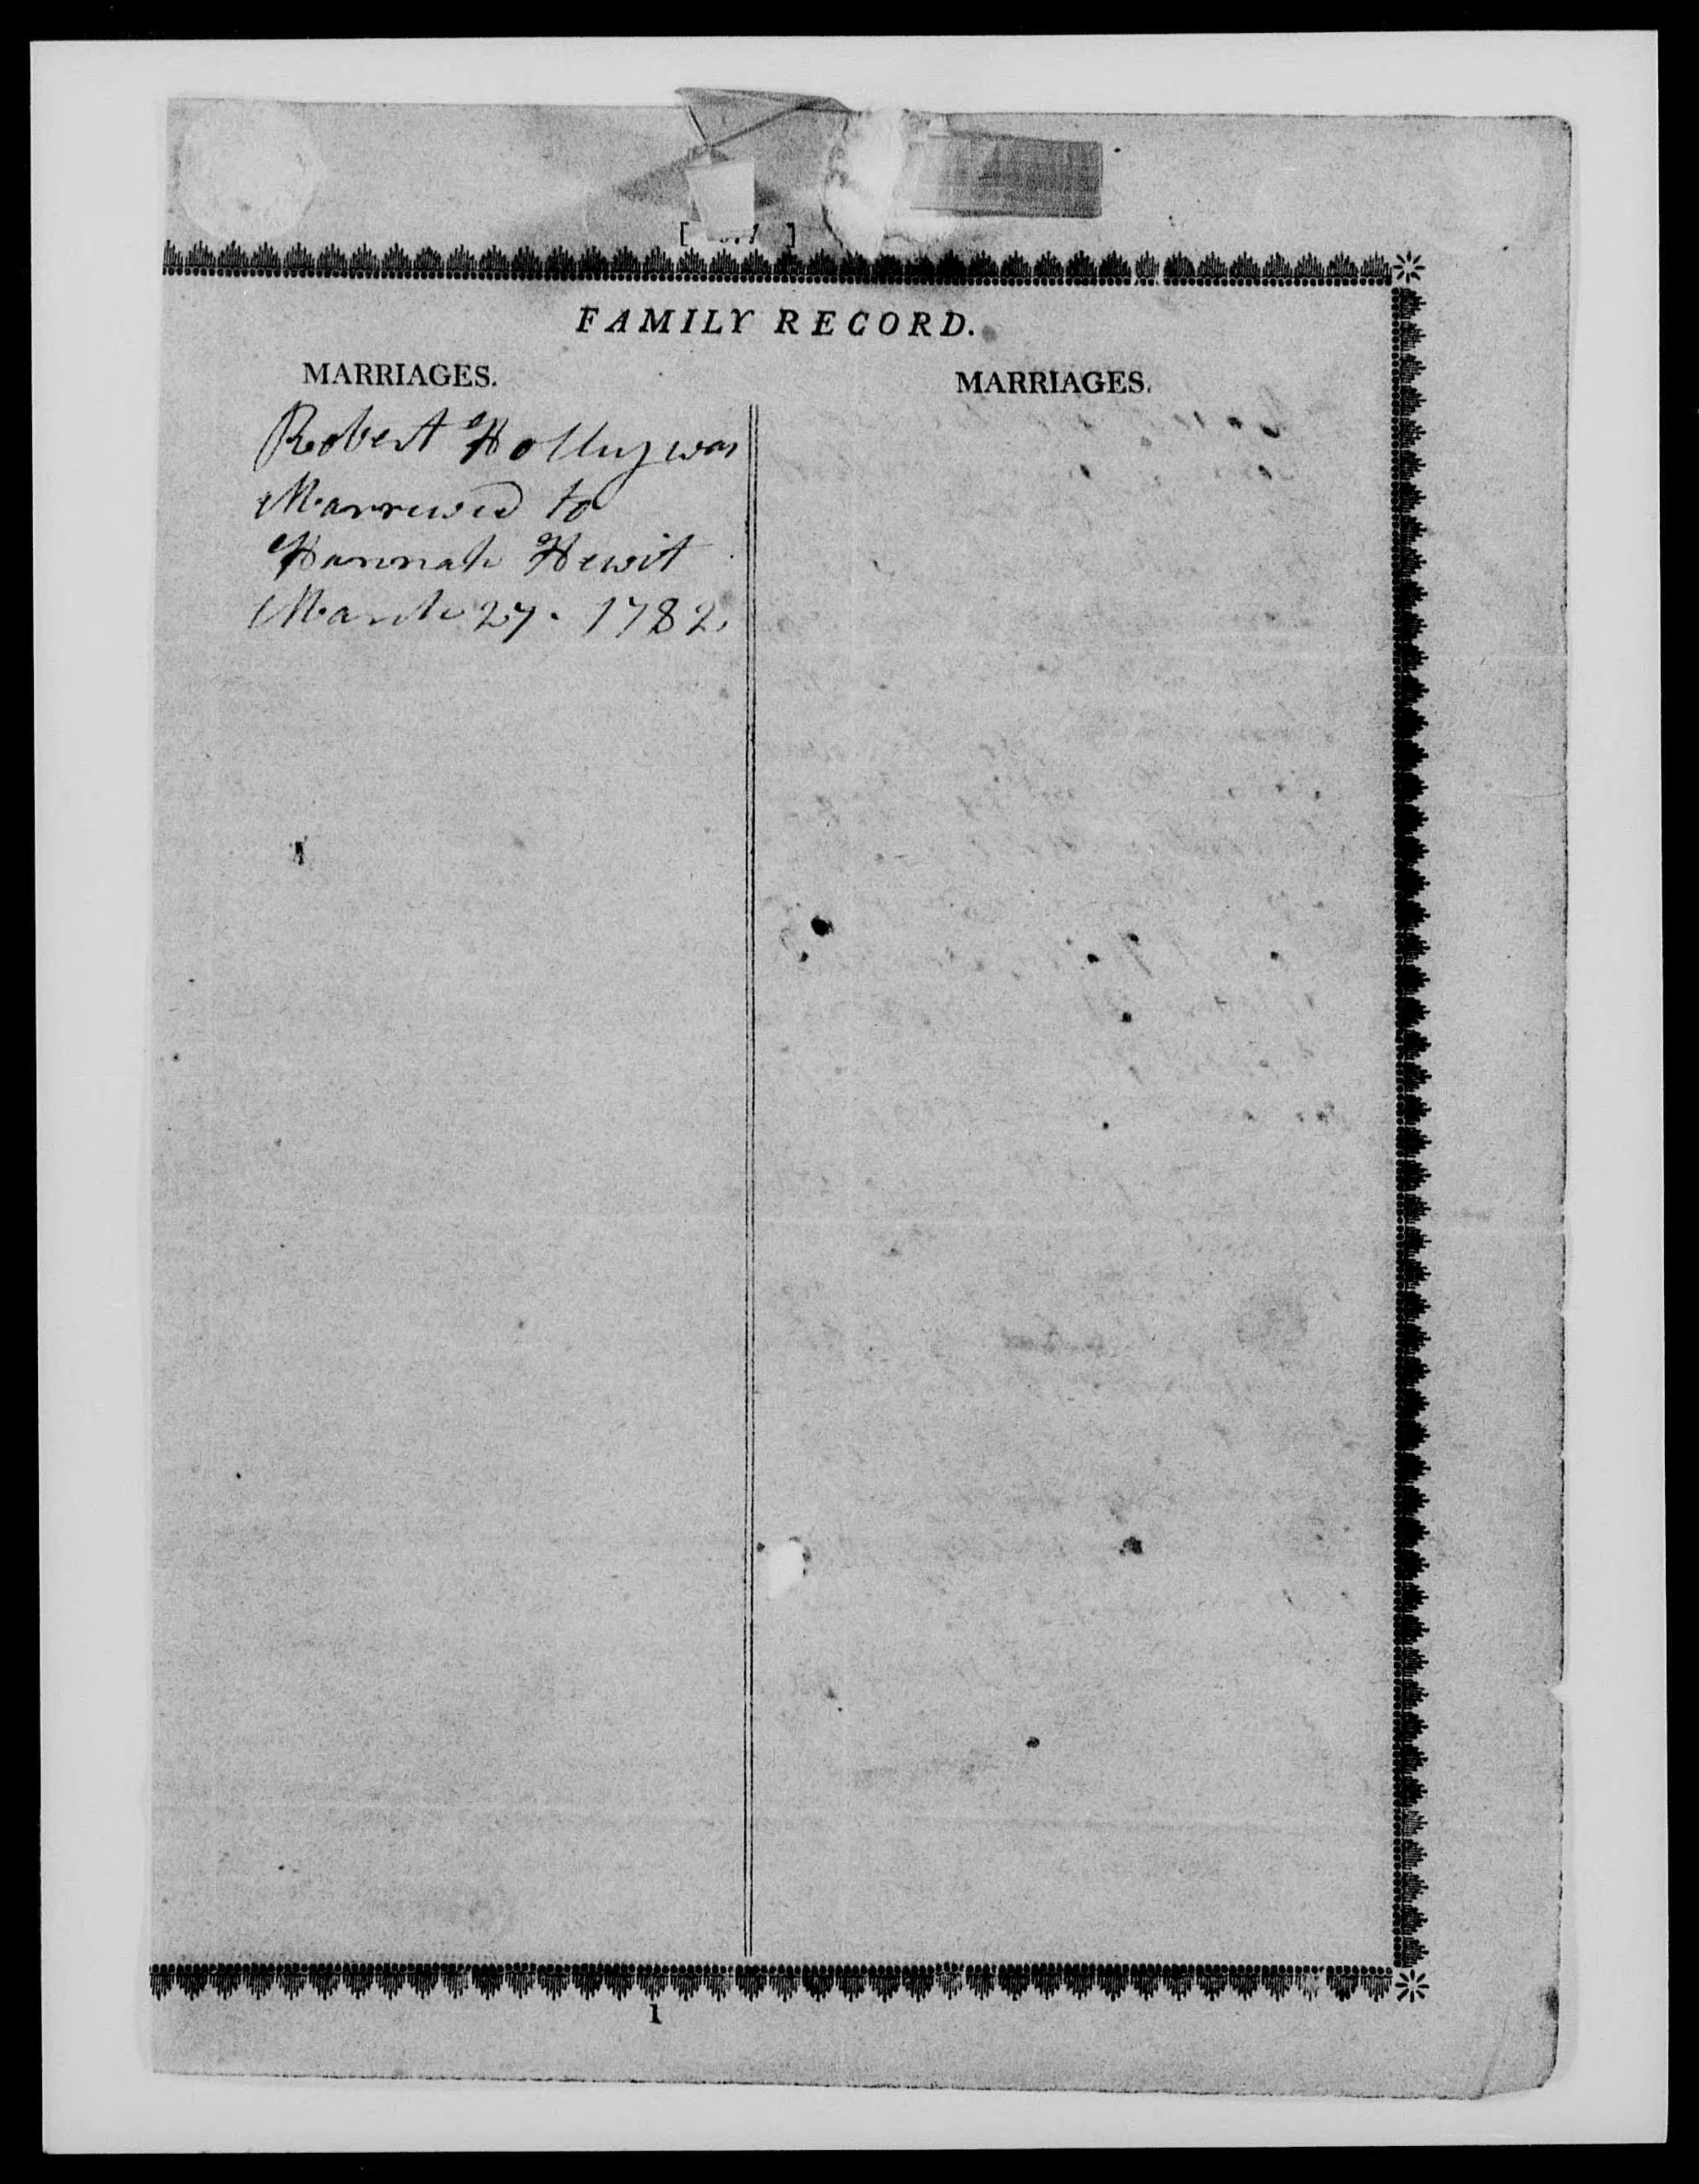FAMILY RECORD

(column 1)
MARRIAGES
Robert Holley was
married to
Hannah Hewit
March 27 1782

(Column 2)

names: Robert Holley, Hannah Hewit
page: 5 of 62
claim: widow's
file: W. 21391, Robert Holley, Conn.